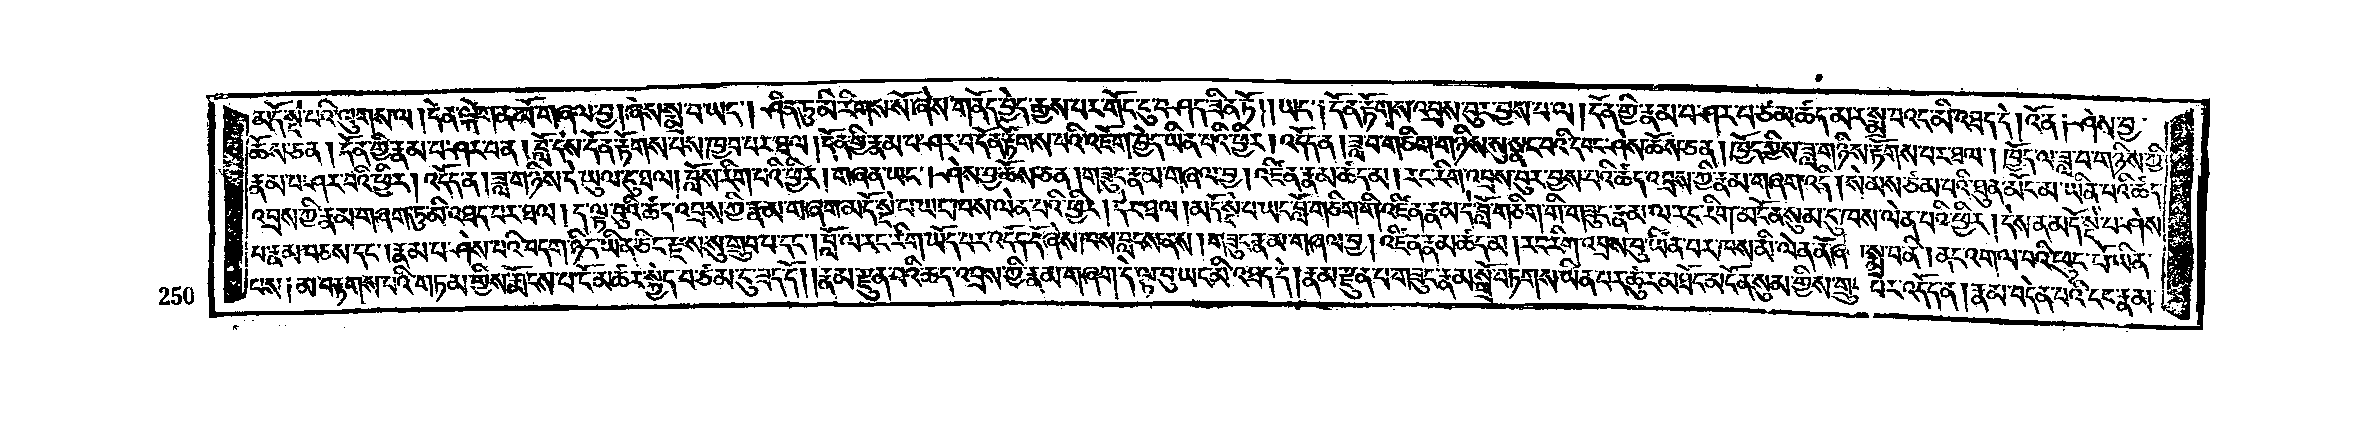མདོ་སྡེ་པའི་ལུགས་ལ། དོན་ལྐོག་ན་མོ་གཞལ་བྱ། ཞེས་སྨྲ་བ་ཡང་། ཤིན་ཏུ་མི་རིགས་སོ་ཞེས་གནོད་བྱེད་རྒྱས་པར་གོང་དུ་བཤད་ཟིན་ཏོ། །ཡང་།དོན་རྟོགས་འབྲས་བུར་བྱས་པ་ལ། དོན་གྱི་རྣམ་པ་ཤར་པ་ཙམ་ཚད་མར་སྨྲ་བའང་མི་འཐད་དེ། འོ་ན། ཤེས་བྱ་
ཆོས་ཅན། དོན་གྱི་རྣམ་པ་ཤར་པ་ན། བློ་དེས་དོན་རྟོགས་པས་ཁྱབ་པར་ཐལ། དོན་གྱི་རྣམ་པ་ཤར་བ་དོན་རྟོགས་པའི་འཇོག་བྱེད་ཡིན་པའི་ཕྱིར། འདོད་ན། ཟླ་བ་གཅིག་གཉིས་སུ་སྣང་བའི་དབང་ཤེས་ཆོས་ཅན། ཁྱོད་ཀྱིས་ཟླ་གཉིས་རྟོགས་པར་ཐལ། ཁྱོད་ལ་ཟླ་བ་གཉིས་ཀྱི་
རྣམ་པ་ཤར་བའི་ཕྱིར། འདོད་ན། ཟླ་གཉིས་དེ་ཡུལ་དུ་ཐལ། བློས་རིག་པའི་ཕྱིར། གཞན་ཡང་། ཤེས་བྱ་ཆོས་ཅན། གཟུང་རྣམ་གཞལ་བྱ། འཛིན་རྣམ་ཚད་མ། རང་རིག་འབྲས་བུར་བྱས་པའི་ཚད་འབྲས་ཀྱི་རྣམ་གཞག་འདི། སེམས་ཙམ་པའི་ཐུན་མོང་མ་ཡིན་པའི་ཚད་
འབྲས་ཀྱི་རྣམ་གཞག་ཏུ་མི་འཐད་པར་ཐལ། དེ་ལྟ་བུའི་ཚད་འབྲས་ཀྱི་རྣམ་གཞག་མདོ་སྡེ་པ་ཡང་ཁས་ལེན་པའི་ཕྱིར། དེར་ཐལ། མདོ་སྡེ་པ་ཡང་བློ་གཅིག་གི་འཛིན་རྣམ་དེ་བློ་གཅིག་གི་གཟུང་རྣམ་ལ་རང་རིག་མངོན་སུམ་དུ་ཁས་ལེན་པའི་ཕྱིར། དེས་ན་མདོ་སྡེ་པ་ཤེས་
པ་རྣམ་བཅས་དང་། རྣམ་པ་ཤེས་པའི་བདག་ཉིད་ཡིན་ཅིང་རྫས་སུ་གྲུབ་པ་དང་། བློ་ལ་རང་རིག་ཡོད་པར་འདོད་དོ་ཞེས་ཁས་བླངས་ནས། གཟུང་རྣམ་གཞལ་བྱ། འཛིན་རྣམ་ཚད་མ། རང་རིག་འབྲས་བུ་ཡིན་པར་ཁས་མི་ལེན་ནོ་ཞེས་སྨྲ་བ་ནི། ནང་འགལ་བའི་ཕུང་པོ་ཡིན་
པས། མ་བརྟགས་པའི་གཏམ་གྱིས་རྨོངས་པ་ངོ་མཚར་སྐྱེད་པ་ཙམ་དུ་ཟད་དོ། །རྣམ་རྫུན་བའི་ཚད་འབྲས་ཀྱི་རྣམ་གཞག་དེ་ལྟ་བུ་ཡང་མི་འཐད་དེ། རྣམ་རྫུན་པ་གཟུང་རྣམ་སྒྲོ་བཏགས་ཡིན་པར་ཚུར་མཐོང་མངོན་སུམ་གྱིས་གྲུབ་པར་འདོད་ན། རྣམ་བདེན་པའི་ངར་རྣམ་